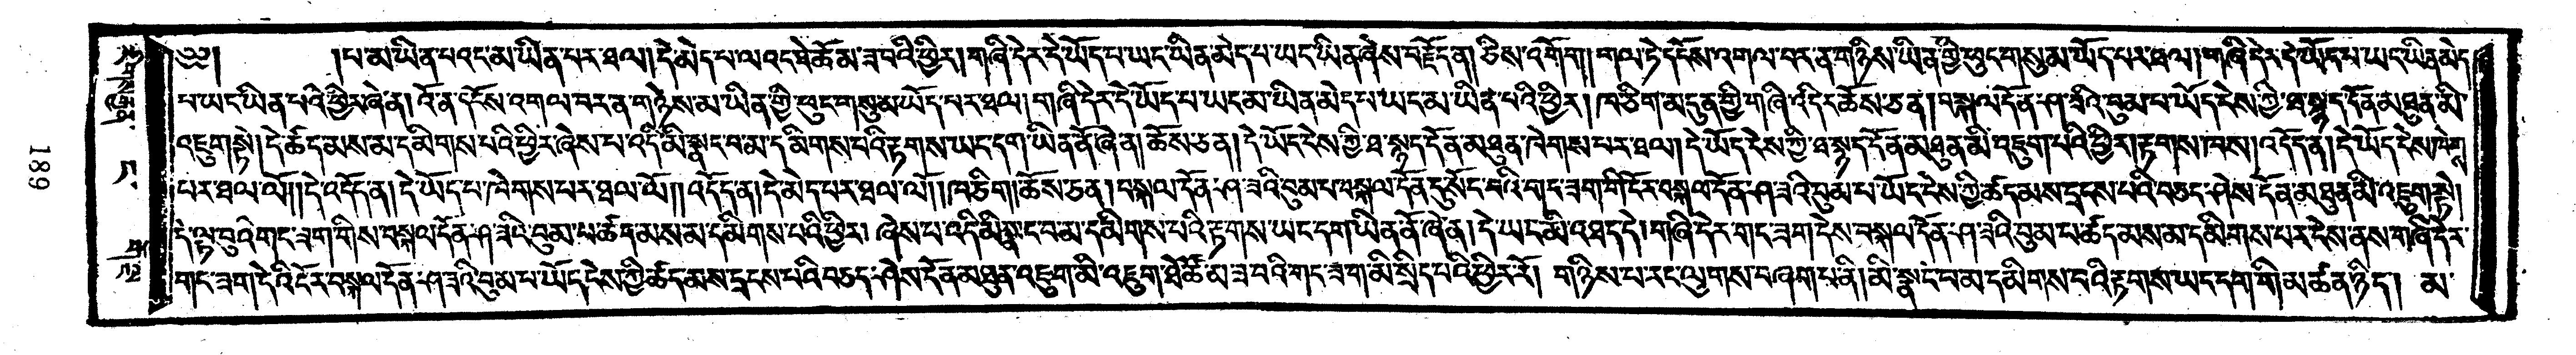༄༅། །པ་མ་ཡིན་པའང་མ་ཡིན་པར་ཐལ། དེ་མེད་པ་ལའང་ཐེ་ཚོམ་ཟ་བའི་ཕྱིར། གཞི་དེར་དེ་ཡོད་པ་ཡང་ཡིན་མེད་པ་ཡང་ཡིན་ཞེས་བརྗོད་ན། ཅིས་འགོག ། གལ་ཏེ་དངོས་འགལ་བར་ན་གཉིས་ཡིན་གྱི་ཕུང་གསུམ་ཡོད་པར་ཐལ། གཞི་དེར་དེ་ཡོད་པ་ཡང་ཡིན་མེད་
པ་ཡང་ཡིན་པའི་ཕྱིར་ཞེ་ན། འོ་ན་དངོས་འགལ་བར་ན་གཉིས་མ་ཡིན་གྱི་ཕུང་གསུམ་ཡོད་པར་ཐལ། གཞི་དེར་ང་ཡོད་པ་ཡང་མ་ཡིན་མེད་པ་ཡང་མ་ཡིན་པའི་ཕྱིར། ཁ་ཅིག་མདུན་གྱི་གཞི་འདིར་ཆོས་ཅན། བསྐལ་དོན་ཤ་ཟའི་བུམ་པ་ཡོད་ངེས་ཀྱི་ཐ་སྙད་དོན་མཐུན་མི་
འཇུག་སྟེ། དེ་ཚད་མས་མ་དམིགས་པའི་ཕྱིར་ཞེས་པ་འདི་མི་སྣང་བ་མ་དམིགས་པའི་རྟགས་ཡང་དག་ཡིན་ནོ་ཞེ་ན། ཆོས་ཅན། དེ་ཡོད་ངེས་ཀྱི་ཐ་སྙད་དོན་མཐུན་ཁེགས་པར་ཐལ། དེ་ཡོད་ངེས་ཀྱི་ཐ་སྙད་དོན་མཐུན་མ་འཇུག་པའི་ཕྱིར། རྟགས་ཁས། འདོད་ན། དེ་ཡོད་ངེས་ཁེགས་
པར་ཐལ་ལོ། །དེ་འདོད་ན། དེ་ཡོད་པ་ཁེགས་པར་ཐལ་ལོ། །འདོད་ན། དེ་མེད་པར་ཐལ་ལོ། །ཁ་ཅིག །ཆོས་ཅན། བསྐལ་དོན་ཤ་ཟའི་བུམ་པ་བསྐལ་དོན་དུ་སོང་བའི་གང་ཟག་གི་ངོར་བསྐལ་དོན་ཤ་ཟའི་བུམ་པ་ཡོད་ངེས་ཀྱི་ཚད་མས་དྲངས་པའི་བཅད་ཤེས་དོན་མཐུན་མི་འཇུག་སྟེ།
དེ་ལྟ་བུའི་གང་ཟག་གིས་བསྐལ་དོན་ཤ་ཟའི་བུམ་པ་ཚད་མས་མ་དམིགས་པའི་ཕྱིར། ཞེས་པ་འདི་མི་སྣང་བ་མ་དམིགས་པའི་རྟགས་ཡང་དག་ཡིན་ནོ་ཞེ་ན། དེ་ཡང་མི་འཐད་དེ། གཞི་དེར་གང་ཟག་དེས་བསྐལ་དོན་ཤ་ཟའི་བུམ་པ་ཚད་མས་མ་དམིགས་པར་ངེས་ནས་གཞི་དེར་
གང་ཟག་དེའི་ངོར་བསྐལ་དོན་ཤ་ཟའི་བུམ་པ་ཡོད་ངེས་ཀྱི་ཚད་མས་དྲངས་པའི་བཅད་ཤེས་དོན་མཐུན་འཇུག་མི་འཇུག་ཐེ་ཚོམ་ཟ་བའི་གང་ཟག་མི་སྲིད་པའི་ཕྱིར་རོ། །གཉིས་པ་རང་ལུགས་བཞག་པ་ནི། མི་སྣང་བ་མ་དམིགས་པའི་རྟགས་ཡང་དག་གི་མཚན་ཉིད། མ་